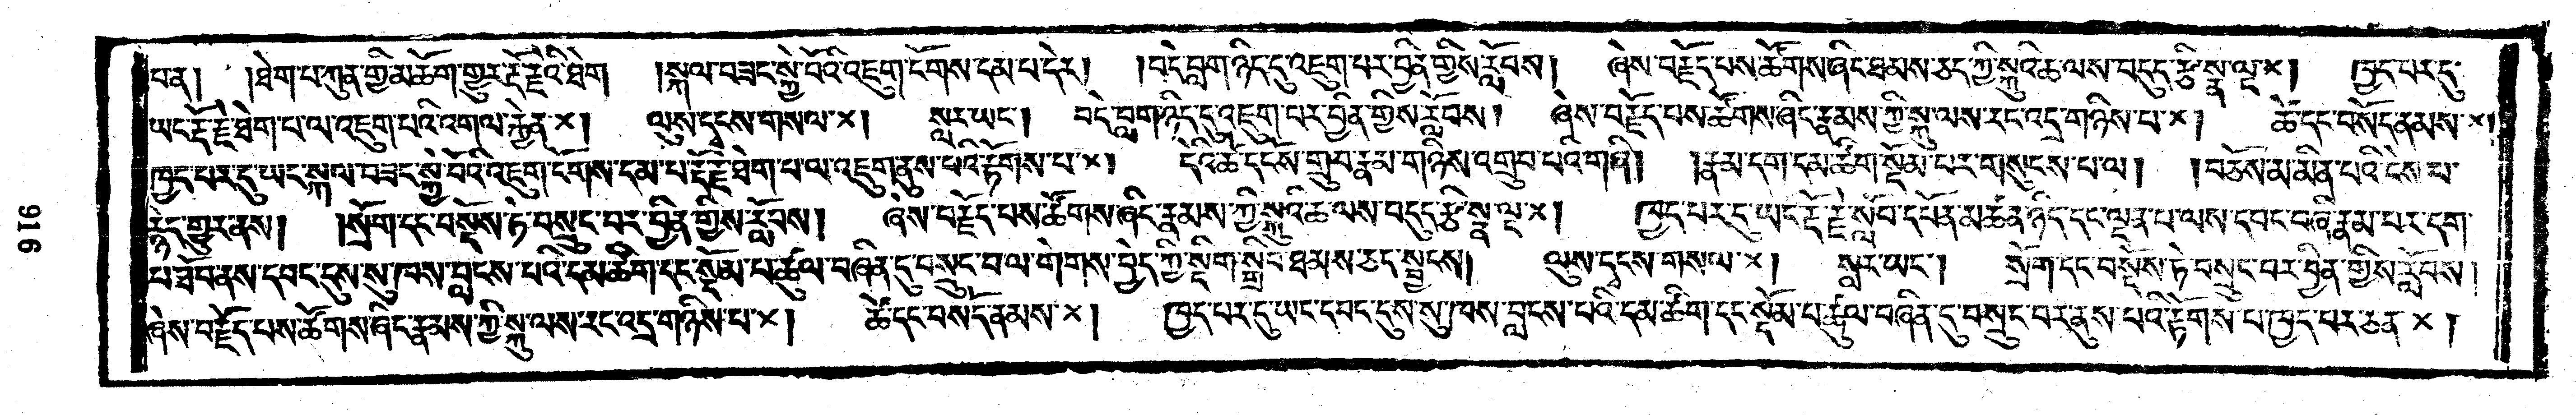པ་ན། །ཐེག་པ་ཀུན་གྱི་མཆོག་གྱུར་རྡོ་རྗེའི་ཐེག །སྐལ་བཟང་སྐྱེ་བོའི་འཇུག་ངོགས་དམ་པ་དེར། །བདེ་བླག་ཉིད་དུ་འཇུག་པར་བྱིན་གྱིས་རློབས། ཞེས་བརྗོད་པས་ཚོགས་ཞིང་ཐམས་ཅད་ཀྱི་སྐུའི་ཆ་ལས་བདུད་རྩི་སྣ་ལྔ་྾། ཁྱད་པར་དུ་
ཡང་རྡོ་རྗེ་ཐེག་པ་ལ་འཇུག་པའི་འགལ་རྐྱེན་྾། ལུས་དྭངས་གསལ་྾། སླར་ཡང་། བདེ་བླག་ཉིད་དུ་འཇུག་པར་བྱིན་གྱིས་རློབས། ཞེས་བརྗོད་པས་ཚོགས་ཞིང་རྣམས་ཀྱི་སྐུ་ལས་རང་འདྲ་གཉིས་པ་྾། ཚེ་དང་བསོད་ནམས་
ཁྱད་པར་དུ་ཡང་སྐལ་བཟང་སྐྱེ་བོའི་འཇུག་ངོགས་དམ་པ་རྡོ་རྗེ་ཐེགས་པ་ལ་འཇུག་ནུས་པའི་རྟོགས་པ་྾། དེའི་ཚེ་དངོས་གྲུབ་རྣམ་གཉིས་འགྲུབ་པའི་གཞི། །རྣམ་དག་དམ་ཚིག་སྡོམ་པར་གསུངས་པ་ལ། །བཅོས་མ་མིན་པའི་ངེས་པ་
རྙེད་གྱུར་ནས། །སྲོག་དང་བསྔོས་ཏེ་བསྲུང་བར་བྱིན་གྱིས་རློབས། ཞེས་བརྗོད་པས་ཚོགས་ཞིང་རྣམས་ཀྱི་སྐུའི་ཆ་ལས་བདུད་རྩི་སྣ་ལྔ་྾། ཁྱད་པར་དུ་ཡང་རྡོ་རྗེ་སློབ་དཔོན་མཚན་ཉིད་དང་ལྡན་པ་ལས་དབང་བཞི་རྣམ་པར་དག་
པ་ཐོབ་ནས་དབང་དུས་སུ་ཁས་བླངས་པའི་དམ་ཚིག་དང་སྔོམ་པ་ཚུལ་བཞིན་དུ་བསྲུང་བ་ལ་གེགས་བྱེད་ཀྱི་སྡིག་སྒྲིབ་ཐམས་ཅད་སྦྱངས། ལུས་དྭངས་གསལ་྾། སླར་ཡང་། སྲོག་དང་བསྔོས་ཏེ་བསྲུང་བར་བྱིན་གྱིས་རློབས།
ཞེས་བརྗོད་པས་ཚོགས་ཞིང་རྣམས་ཀྱི་སྐུ་ལས་རང་འདྲ་གཉིས་པ་྾། ཚེ་དང་བསོད་ནམས་྾། ཁྱད་པར་དུ་ཡང་དབང་དུས་སུ་ཁས་བླངས་པའི་དམ་ཚིག་དང་སྡོམ་པ་ཚུལ་བཞིན་དུ་བསྲུང་བར་ནུས་པའི་རྟོགས་པ་ཁྱད་པར་ཅན་྾།